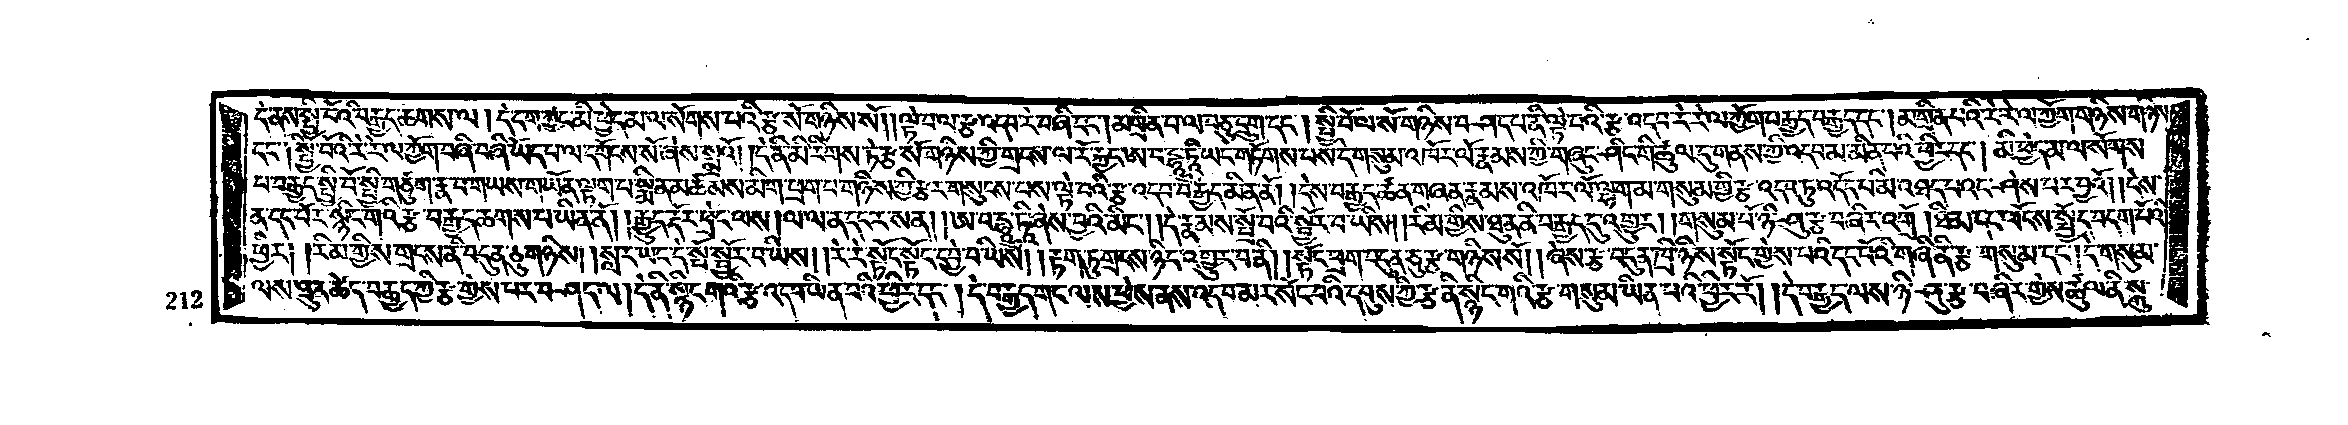དེ་ནས་སྤྱི་བོའི་བརྒྱད་ཆགས་ལ། དེ་དག་ཀྱང་མི་ཕྱེད་མ་ལ་སོགས་པའི་རྩ་སོ་གཉིས་སོ། །ལྟེ་བ་ལ་རྩ་འདབ་རེ་བཞི་དང་། མགྲིན་པ་ལ་བཅུ་དྲུག་དང་། སྤྱི་བོ་ལ་སོ་གཉིས་བཤད་པ་ནི་ལྟེ་བའི་རྩ་འདབ་རེ་རེ་ལ་ཀྱོག་བརྒྱད་བརྒྱད་དང་། མགྲིན་པའི་རེ་རེ་ལ་ཀྱོག་གཉིས་གཉིས་
དང་། སྤྱི་བོའི་རེ་རེ་ལ་ཀྱོག་བཞི་བཞི་ཡོད་པ་ལ་དགོངས་སོ་ཞེས་སྨྲའོ། །དེ་ནི་མི་རིགས་ཏེ་རྩ་སོ་གཉིས་ཀྱི་གྲངས་ལ་རོ་རྐྱང་ཨ་བ་དྷཱུ་ཏཱི་ཡང་གཏོགས་པས་དེ་གསུམ་འཁོར་ལོ་རྣམས་ཀྱི་གཞུང་ཤིང་གི་ཚུལ་དུ་གནས་ཀྱི་འདབ་མ་མིན་པའི་ཕྱིར་དང་། མི་ཕྱེད་མ་ལ་སོགས་
པ་བརྒྱད་སྤྱི་བོ་སྤྱི་གཙུག་རྣ་བ་གཡས་གཡོན་ལྟག་པ་སྨིན་མཚམས་མིག་ཕྲག་པ་གཉིས་ཀྱི་རྩར་གསུངས་པས་ལྟེ་བའི་རྩ་འདབ་བརྒྱད་མིན་ནོ། །དེས་བརྒྱད་ཚན་གཞན་རྣམས་འཁོར་ལོ་ལྷག་མ་གསུམ་གྱི་རྩ་འདབ་ཏུ་འདོད་པ་མི་འཐད་པའང་ཤེས་པར་བྱའོ། །ངེས་
ན་དང་པོར་སྙིང་གའི་རྩ་བརྒྱད་ཆགས་པ་ཡིན་ནོ། །རྒྱུད་རྡོར་ཕྲེང་ལས། ལ་ལ་ན་དང་ར་ས་ན། །ཨ་བ་དྷཱུ་ཏཱི་ཞེས་བྱའི་མིང་། །དེ་རྣམས་སྤྲོ་བའི་སྦྱོར་བ་ཡིས། །རིམ་གྱིས་ཐུན་ནི་བརྒྱད་དུ་འགྱུར། །གསུམ་པོ་ཉི་ཤུ་རྩ་བཞིར་འགྲོ། ཐིམ་དང་ལོངས་སྤྱོད་བདག་པོའི་
ཕྱིར། །རིམ་གྱིས་གྲངས་ནི་བདུན་བཅུ་གཉིས། །སླར་ཡང་དེ་སྤྲོ་སྦྱོར་བ་ཡིས། །རེ་རེ་སྟོང་སྟོང་དབྱེ་བ་ཡིས། །རྟག་ཏུ་གྲངས་ཉིད་འགྱུར་བ་ནི། །སྟོང་ཕྲག་བདུན་བཅུ་རྩ་གཉིས་སོ། །ཞེས་རྩ་བདུན་ཁྲི་ཉིས་སྟོང་གྱེས་པའི་དང་པོའི་གཞི་ནི་རྩ་གསུམ་དང་། དེ་གསུམ་
ལས་ཐུན་ཚེད་བརྒྱད་ཀྱི་རྩ་གྱེས་པར་བཤད་ལ། དེ་ནི་སྙིང་གའི་རྩ་འདབ་ཡིན་པའི་ཕྱིར་དང་། དེ་བརྒྱད་གང་ལས་གྱེས་ནས་འདབ་མར་སོང་བའི་དབུས་ཀྱི་རྩ་ནི་སྙིང་གའི་རྩ་གསུམ་ཡིན་པའི་ཕྱིར་རོ། །དེ་བརྒྱད་ལས་ཉི་ཤུ་རྩ་བཞིར་གྱེས་ཚུལ་ནི་སྐུ་